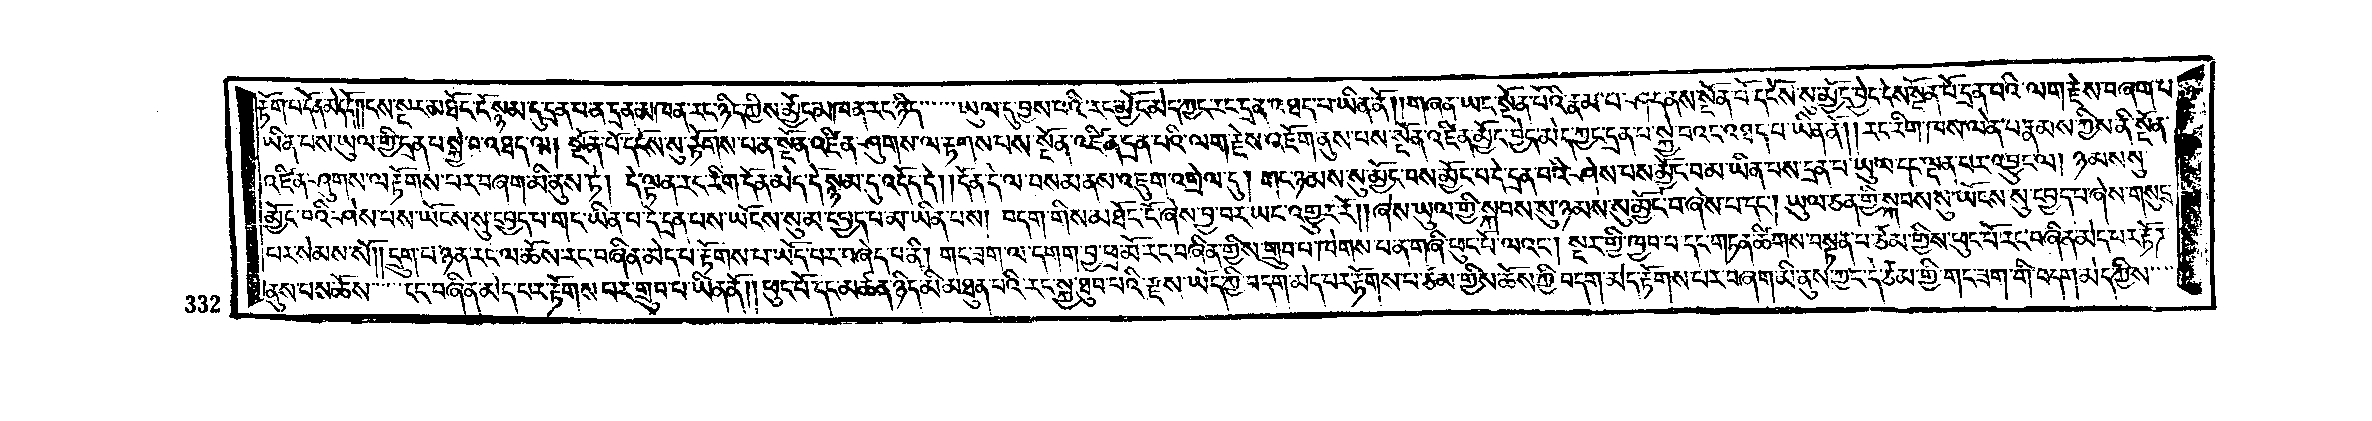རྟོག་པ་དོན་མེད་དོ། །ངས་སྔར་མཐོང་ངོ་སྙམ་དུ་དྲན་པ་ན་དྲན་མཁན་རང་ཉིད་ཀྱིས་མྱོང་མཁན་རང་ཉིད་ཡུལ་དུ་བྱས་པའི་རང་མྱོང་མེད་ཀྱང་རང་དྲན་འཐད་པ་ཡིན་ནོ། །གཞན་ཡང་སྔོན་པོའི་རྣམ་པ་ཤད་ནས་སྔོན་པོ་དངོས་སུ་མྱོང་བྱེད་དེས་སྔོན་པོ་དྲན་པའི་ལག་རྗེས་བཞག་པ་
ཡིན་པས་ཡུལ་གྱི་དྲན་པ་སྐྱེ་བ་འཐད་ལ། སྔོན་པོ་དངོས་སུ་རྟོགས་པ་ན་སྔོན་འཛིན་ཤུགས་ལ་རྟགས་པས་སྔོན་འཛིན་དྲན་པའི་ལག་རྗེས་འཇོག་ནུས་པས་སྔོན་འཛིན་མྱོང་བྱེད་མེད་ཀྱང་དྲན་པ་སྐྱེ་བའང་འཐད་པ་ཡིན་ནོ། །རང་རིག་ཁས་ལེན་པ་རྣམས་ཀྱིས་ནི་སྔོན་
འཛིན་ཤུགས་ལ་རྟོགས་པར་བཞག་མི་ནུས་ཏེ། དེ་ལྟ་ན་རང་རིག་དོན་མེད་དོ་སྙམ་དུ་འདོད་དེ། །དོན་དེ་ལ་བསམ་ནས་འཇུག་འགྲེལ་དུ། གང་ཉམས་སུ་མྱོང་བས་མྱོང་བ་དེ་དྲན་པའི་ཤེས་པས་མྱོང་བ་མ་ཡིན་པས་དྲན་པ་ཡུལ་དང་ལྡན་པར་འབྱུང་ལ། ཉམས་སུ་
མྱོང་བའི་ཤེས་པས་ཡོངས་སུ་དཔྱད་པ་གང་ཡིན་པ་དེ་དྲན་པས་ཡོངས་སུ་མ་དཔྱད་པ་མ་ཡིན་པས། བདག་གིས་མཐོང་ངོ་ཞེས་བྱ་བར་ཡང་འགྱུར་རོ། །ཞེས་ཡུལ་གྱི་སྐབས་སུ་ཉམས་སུ་མྱོང་བ་ཞེས་པ་དང་། ཡུལ་ཅན་གྱི་སྐབས་སུ་ཡོངས་སུ་དཔྱད་པ་ཞེས་གསུངས་
པར་སེམས་སོ། །དྲུག་པ་ཉན་རང་ལ་ཆོས་རང་བཞིན་མེད་པ་རྟོགས་པ་ཡོད་པར་བཞེད་པ་ནི། གང་ཟག་ལ་དགག་བྱ་ཕྲ་མོ་རང་བཞིན་གྱིས་གྲུབ་པ་ཁེགས་པ་ན་གཞི་ཕུང་པོ་ལའང་། སྔར་གྱི་ཁྱབ་པ་དང་གཏན་ཚིགས་བསྟན་པ་ཙམ་གྱིས་ཕུང་པོ་རང་བཞིན་མེད་པར་རྟོགས་
ནུས་པས་ཆོས་རང་བཞིན་མེད་པར་རྟོགས་པར་གྲུབ་པ་ཡིན་ནོ། །ཕུང་པོ་དང་མཚན་ཉིད་མི་མཐུན་པའི་རང་སྐྱ་ཐུབ་པའི་རྫས་ཡོད་ཀྱི་བདག་མེད་པར་རྟོགས་པ་ཙམ་གྱིས་ཆོས་ཀྱི་བདག་མེད་རྟོགས་པར་བཞག་མི་ནུས་ཀྱང་དེ་ཙམ་གྱི་གང་ཟག་གི་བདག་མེད་ཀྱིས་